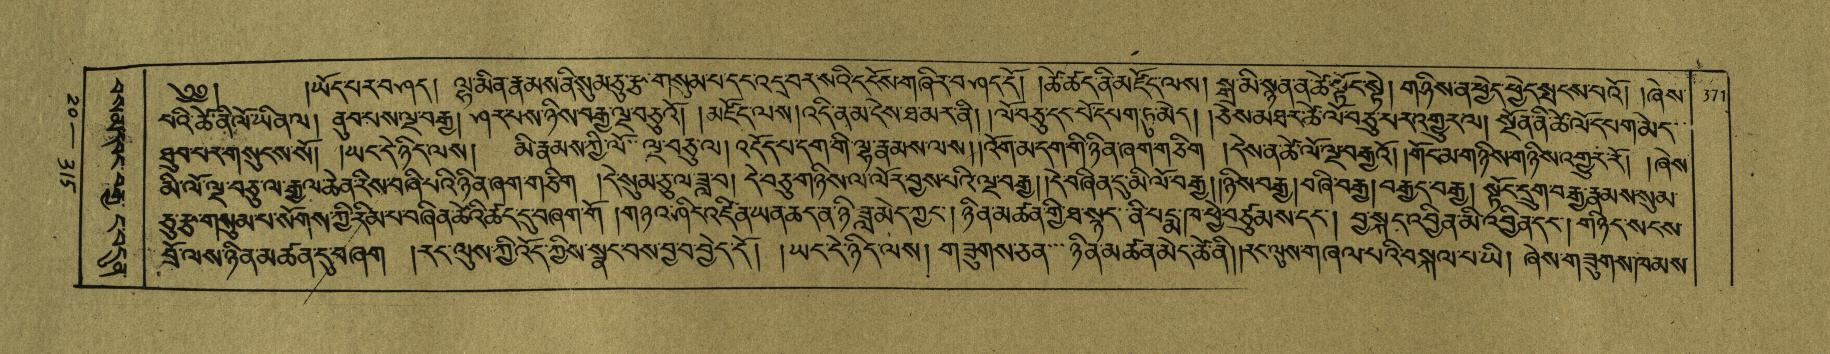༄༅། །ཡོད་པར་བཤད། ལྷ་མིན་རྣམས་ནི་སུམ་ཅུ་རྩ་གསུམ་པ་དང་འདྲ་བར་སའི་དངོས་གཞིར་བཤད་དོ། །ཚེ་ཚད་ནི་མཛོད་ལས། སྒྲ་མི་སྙན་ན་ཚེ་སྟོང་སྟེ། གཉིས་ན་ཕྱེད་ཕྱེད་སྤངས་པའོ། །ཞེས་
པའི་ཚེ་ནི་ལོ་ཡིན་ལ། ནུབ་པས་ལྔ་བརྒྱ། ཤར་པས་ཉིས་བརྒྱ་ལྔ་བཅུའོ། །མཛོད་ལས། འདི་ན་མ་དེས་ཐ་མར་ནི། །ལོ་བཅུ་དང་པོ་དཔག་ཏུ་མེད། །ཅེས་མཐར་ཚེ་ལོ་བཅུ་པར་འགྱུར་ལ། སྔོན་ནི་ཚེ་ལོ་དཔག་མེད་
ཐུབ་པར་གསུངས་སོ། །ཡང་དེ་ཉིད་ལས། མི་རྣམས་ཀྱི་ལོ་ལྔ་བཅུ་ལ། འདོད་པ་དག་གི་ལྷ་རྣམས་ལས། །འོག་མ་དག་གི་ཉིན་ཞག་གཅིག །དེས་ན་ཚེ་ལོ་ལྔ་བརྒྱའོ། །གོང་མ་གཉིས་གཉིས་འགྱུར་རོ། །ཞེས་
མི་ལོ་ལྔ་བཅུ་ལ་རྒྱལ་ཆེན་རིས་བཞི་པའི་ཉིན་ཞག་གཅིག །དེ་སུམ་ཅུ་ལ་ཟླ་བ། དེ་བཅུ་གཉིས་ལ་ལོར་བྱས་པའི་ལྔ་བརྒྱ། །དེ་བཞིན་དུ་མི་ལོ་བརྒྱ། །ཉིས་བརྒྱ། བཞི་བརྒྱ། བརྒྱད་བརྒྱ། སྟོང་དྲུག་བརྒྱ་རྣམས་སུམ་
ཅུ་རྩ་གསུམ་པ་སོགས་ཀྱི་རིམ་པ་བཞིན་ཚེའི་ཚད་དུ་བཞག་གོ། །གཉའ་ཤིང་འཛིན་ཡན་ཆད་ན་ཉི་ཟླ་མེད་ཀྱང་། ཉིན་མཚན་གྱི་ཐ་སྙད་ནི་པདམ་ཁ་ཕྱེ་བཙུམས་དང་། བྱ་སྐད་འབྱིན་མི་འབྱིན་དང་། གཉིད་སངས་
བྲོ་ལས་ཉིན་མཚན་དུ་བཞག །རང་ལུས་ཀྱི་འོད་ཀྱིས་སྣང་བས་བྱ་བ་བྱེད་དོ། །ཡང་དེ་ཉིད་ལས། གཟུགས་ཅན་ཉིན་མཚན་མེད་ཚེ་ནི། །རང་ལུས་གཞལ་པའི་བསྐལ་པ་ཡི། ཞེས་གཟུགས་ཁམས་